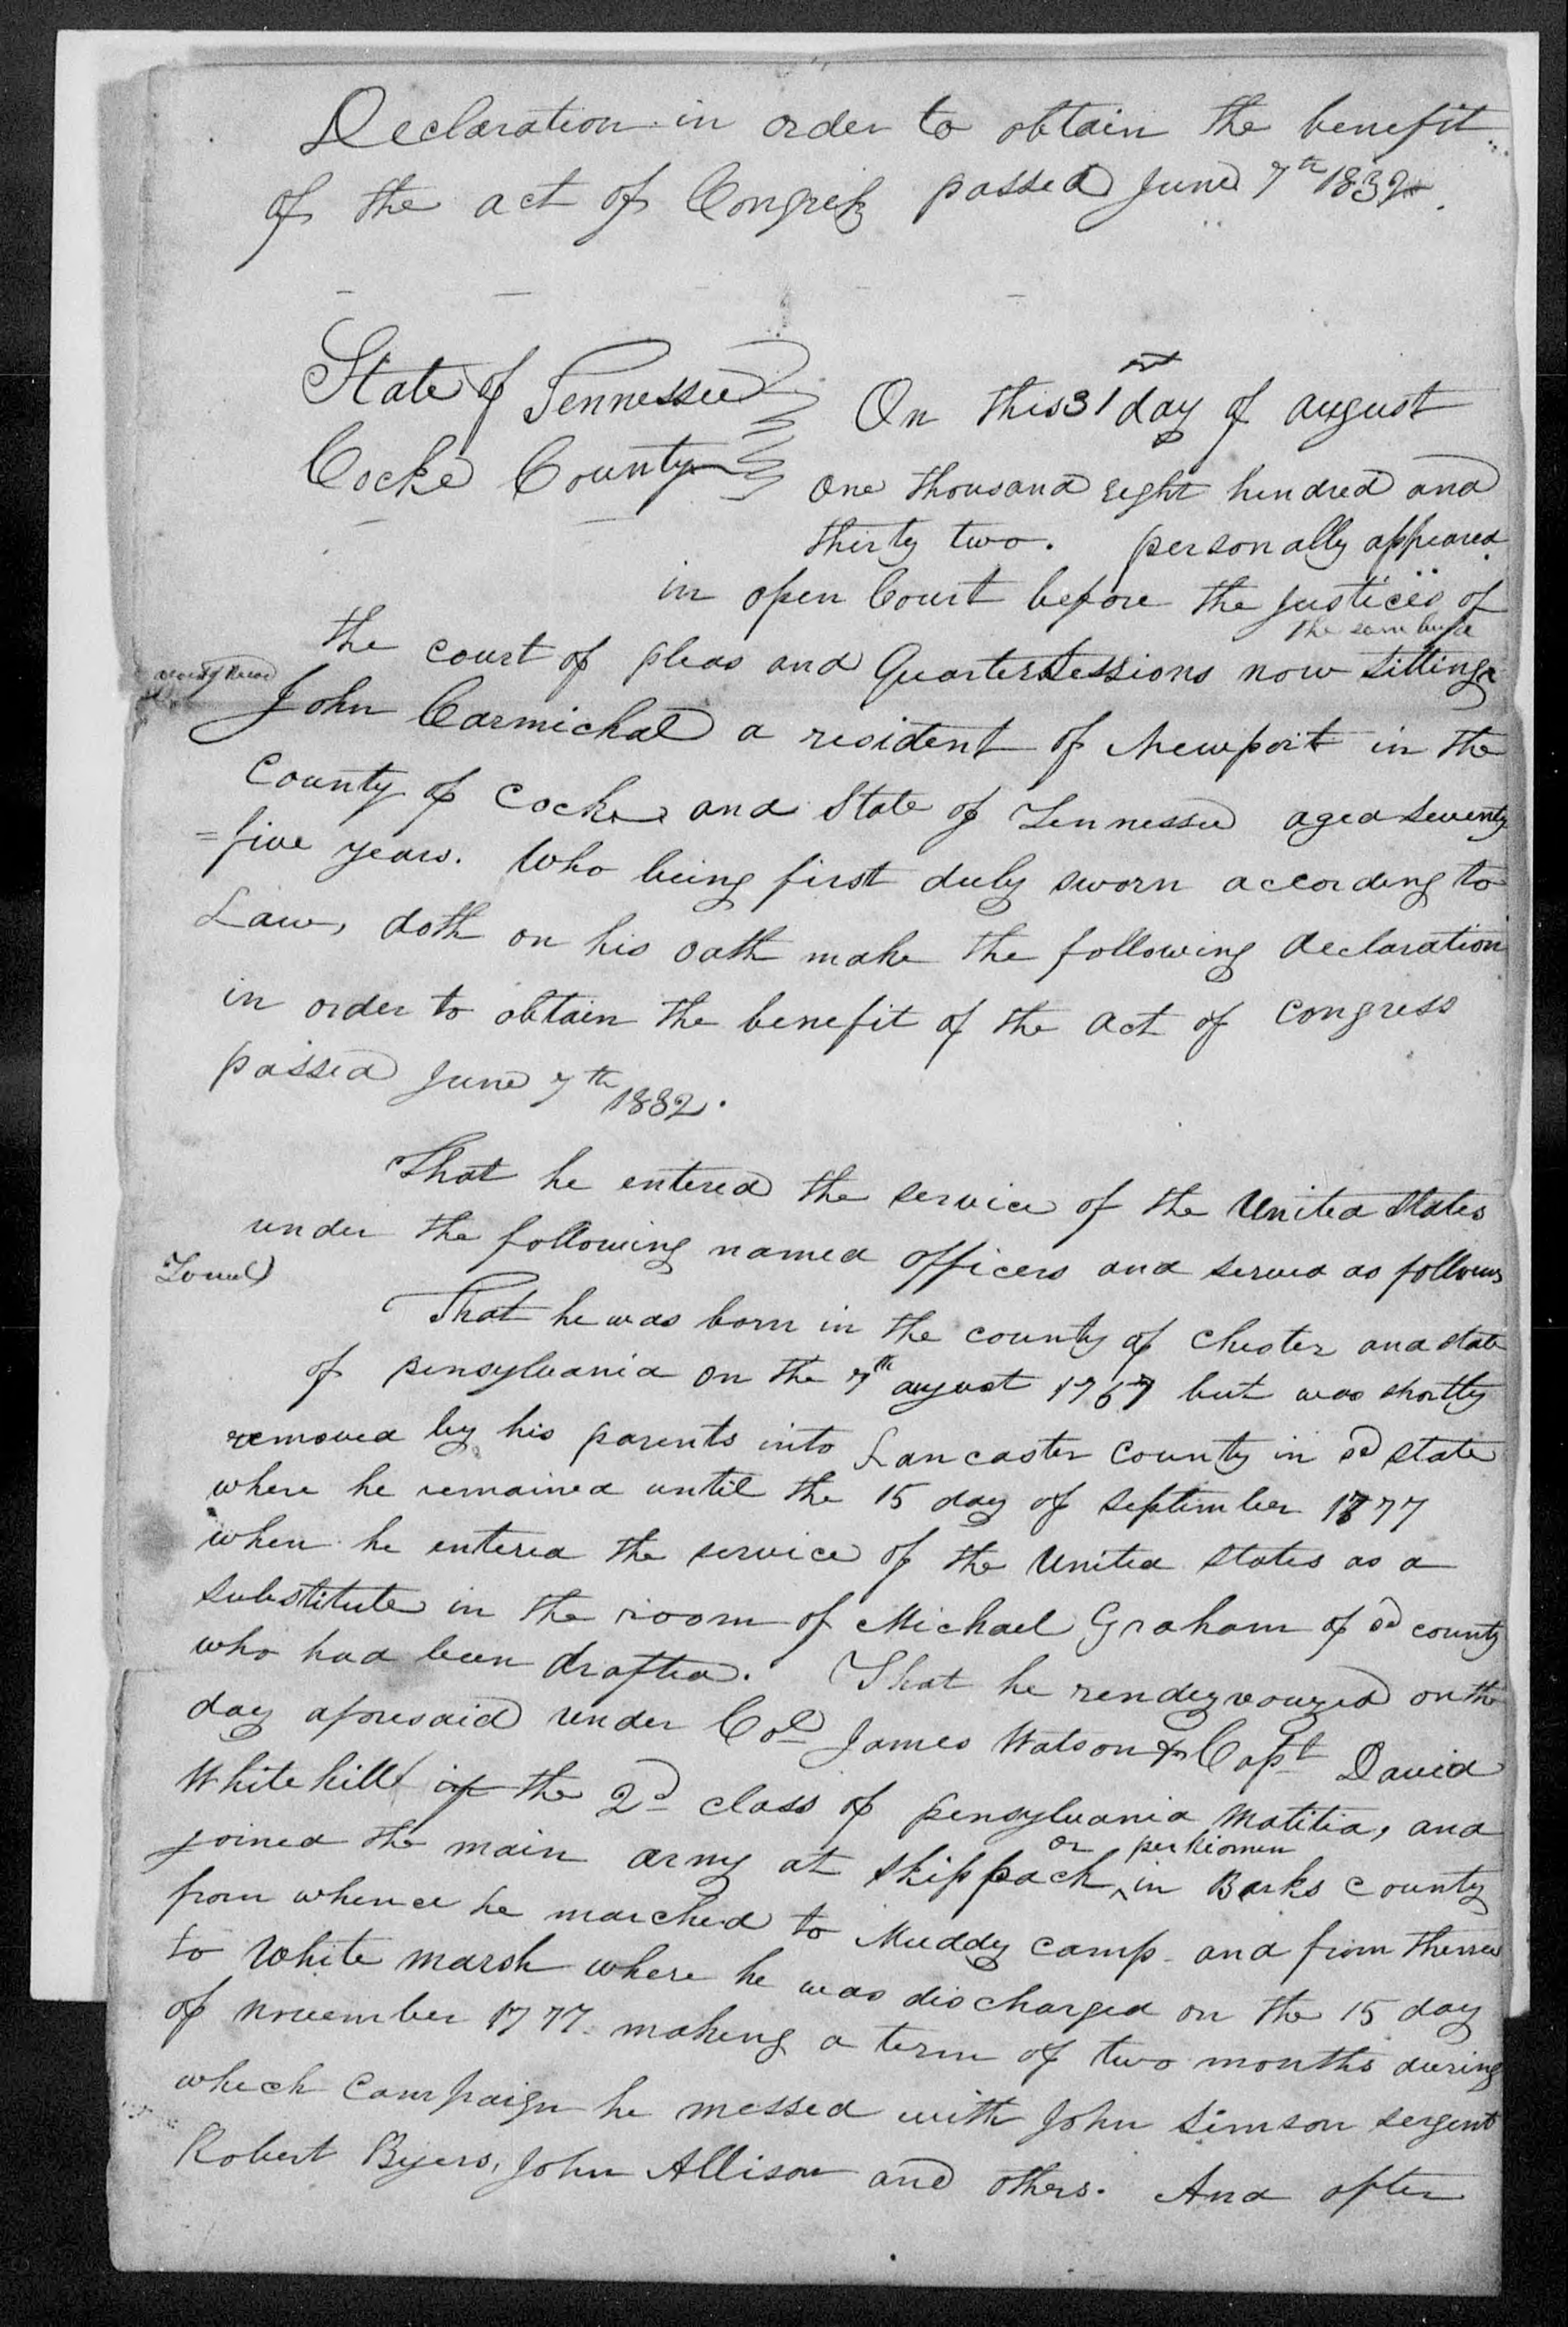Declaration in order to obtain the benefit of the act of Congress passed June 7th 1832
State of Tennessee Cocke County
On this day of august One thousand Eight hundred and thirty two. personally appeared in open Court before the justices of the same be the court of pleas and Quarter Sessions now sitting, John Carmichal a resident of newport in the County of Cocke and State of Tennessee aged Seventy five years of Cocke and State of Tennessee aged Seventy five years. Who being first duly sworn according to Law, doth on his oath make the following declaration in order to obtain the benefit of the act of congress passed June 7th 1832 That he entered the service of the United States under the following named officers and served as follows
{Illegible] 
That he was born in the county of Chester and state of Pensylvania on the 7th august 1767 but was shortly removed by his parents into Lancaster County in [Illegible] State where he remained until the 15 day of September 1777 when he entered the service of the United States as a substitute in the room of Michael Graham of [Illegible] county who had been drafted. That he rendeyvouzed on the day aforesaid under Col James Watson & Capt David while hill of the 2d class of pensylvania Malitia, and or Perkiomen joined the main army at Shippach in Berks County from whence he marched to Muddy Camp and from thence to White Marsh where he he was discharged on the 15 day of November 1777 making a term of two months during which Campaign he messed with John Simmon Sergent Rober Byres, John Allison and others. And after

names: Michael Graham, Robert Byers, James Watson, David Whitehill, John Simson, John Carmichal, John Allison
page: 3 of 42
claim: survivor's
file: S. 31,595, John Carmickele, Penn.